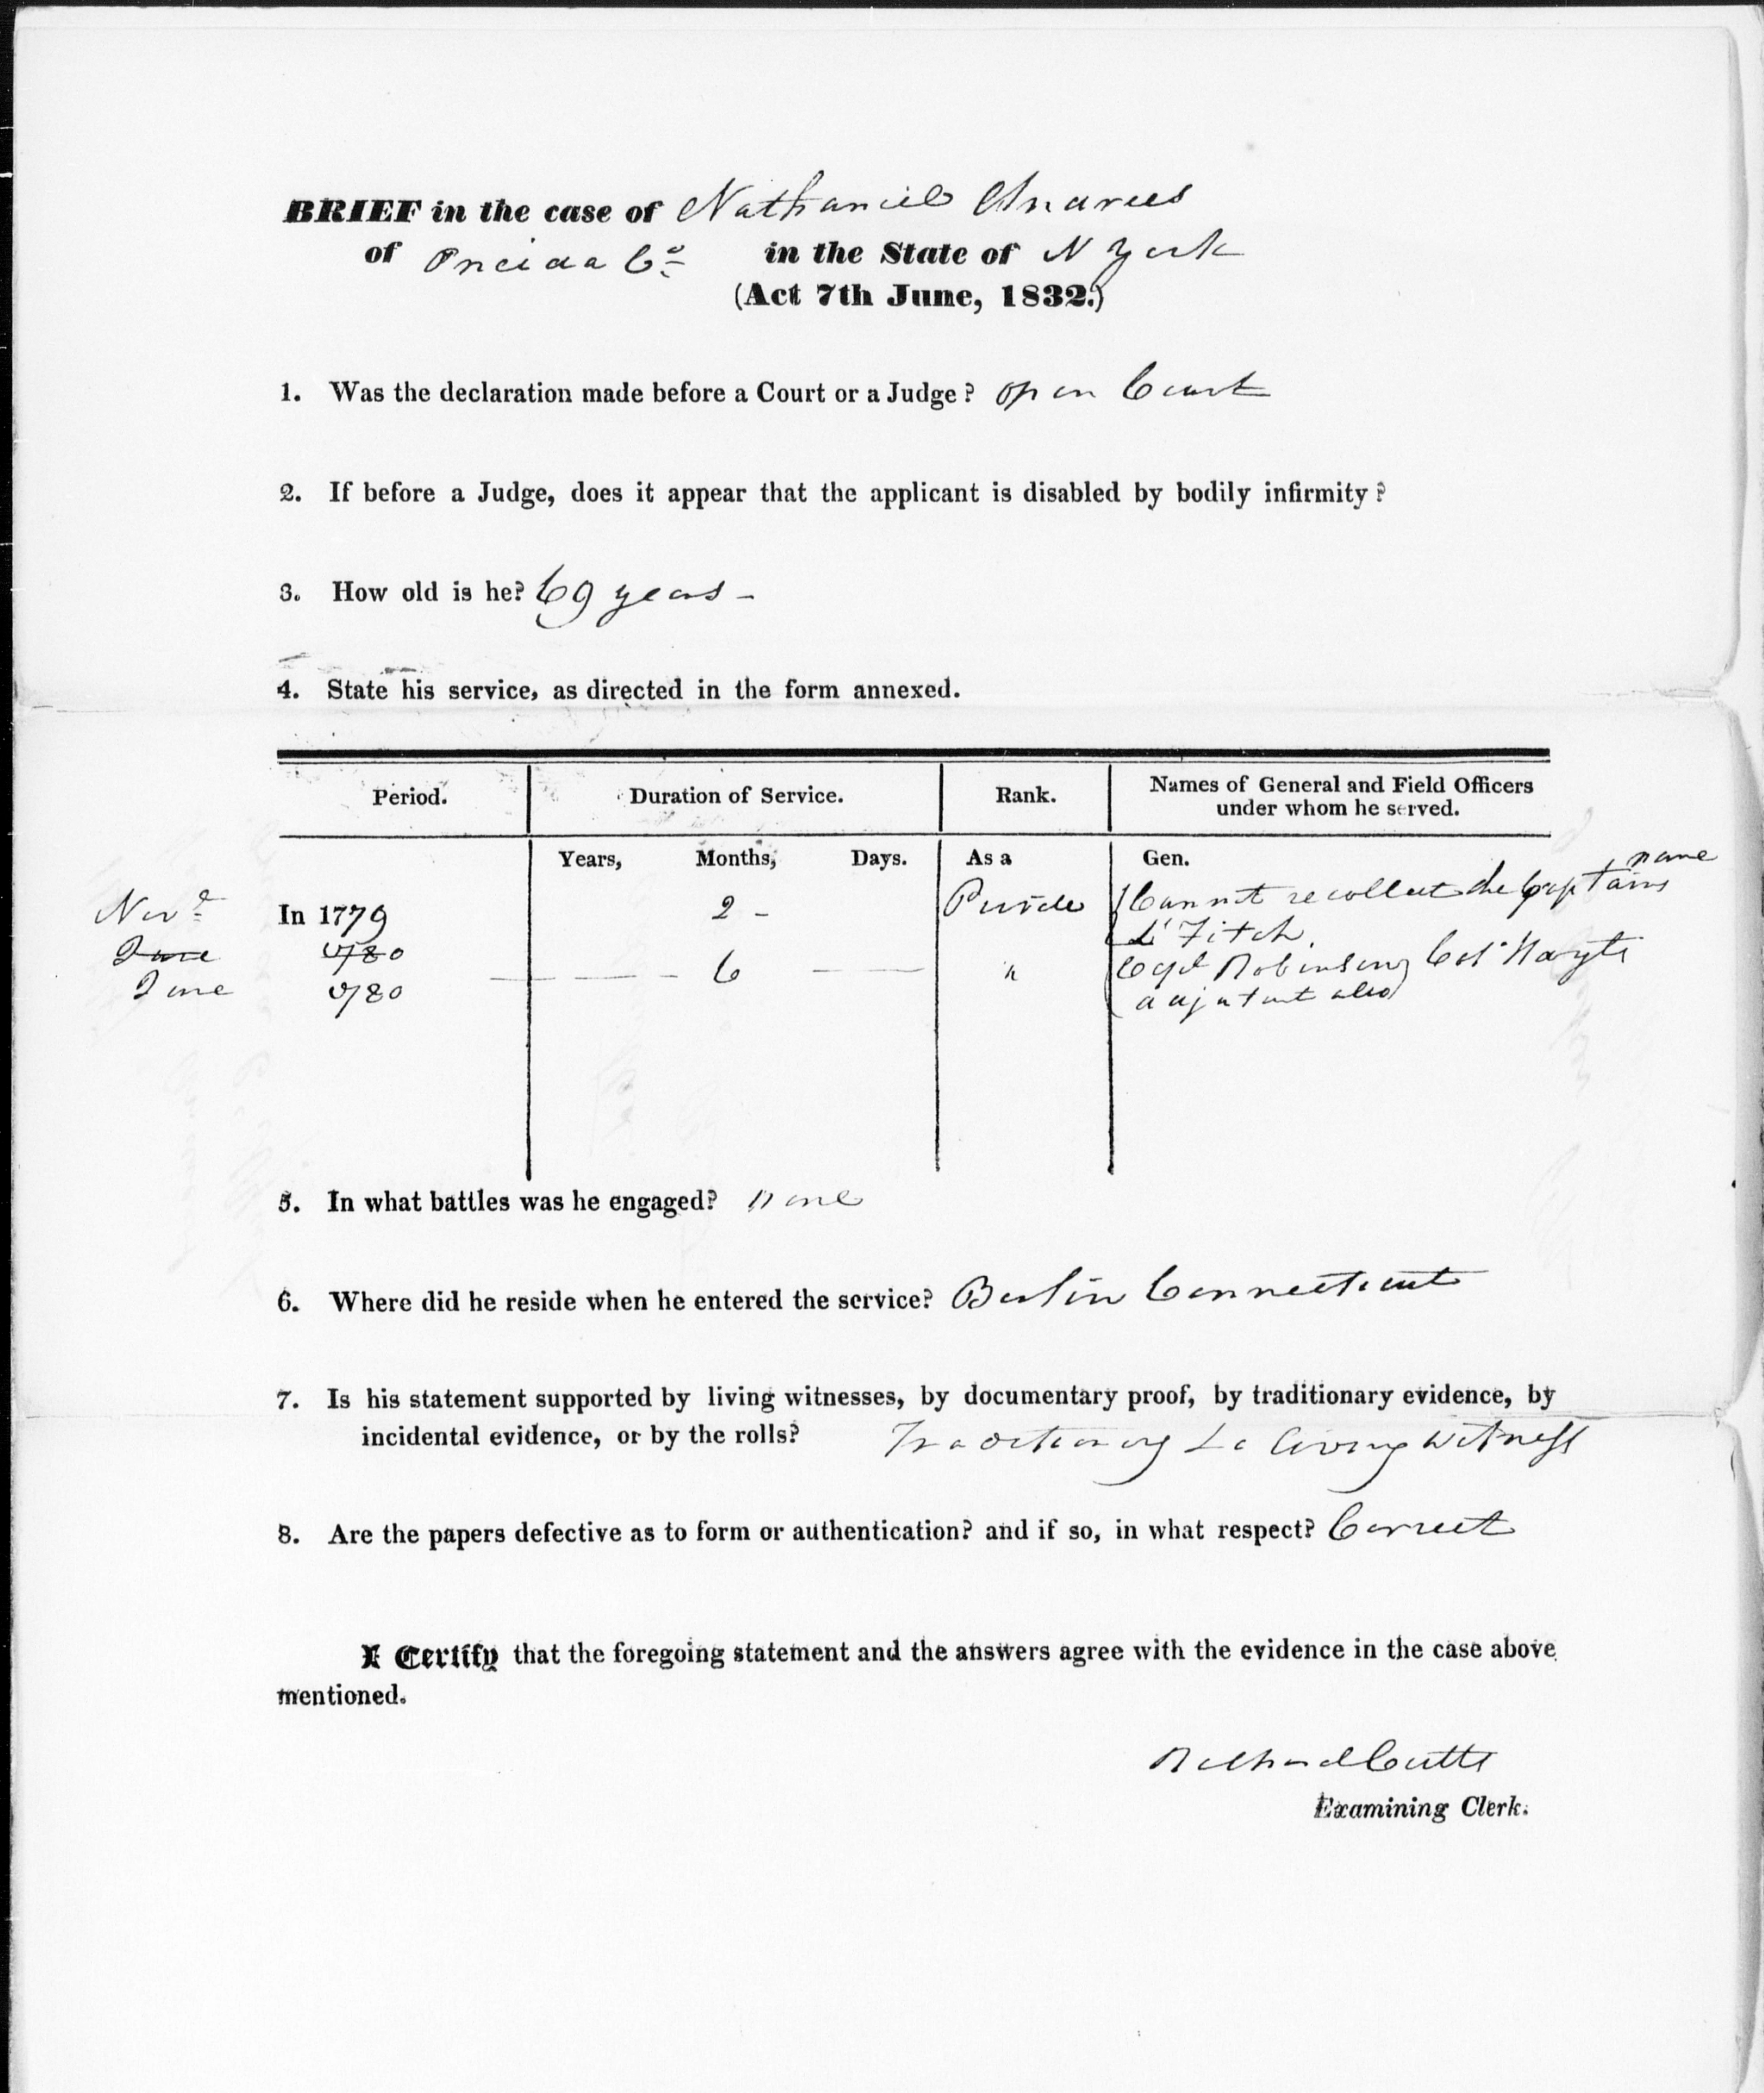BRIEF in the case of Nathaniel Anaries
of Oneida C in the State of N York
(Act 7th June, 1832.)
1. Was the declaration made before a Court or a Judge? Open Court
2. If before a Judge, does it appear that the applicant is disabled by bodily infirmity?
3. How old is he? 69 years
4. State his service, as directed in the form annexed.
Period. Duration of Service Rank. Names of General and Field Officers
under whom he served.
Years, Months, Days. As a Gen.
Novr In 1779 - 2 - Private - Cannot recollect Captains name  L Fitch
June 1780 - 6 - " - Col Robinson. Col Nayt adjutant
5. In what battles was he engaged? None
6. Where did he reside when he entered the service? Berlin Connecticut
7. Is his statement supported by living witnesses, by documentary proof, by traditionary evidence, by
incidental evidence, or by the rolls?
Traoctionery living witness
8. Are the papers defective as to form or authentication? and if so, in what respect? Correct
I Certify that the foregoing statement and the answers agree with the evidence in the case above
mentioned.
Richard Cutts
Examining Clerk.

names: Robinson, Hoyt, Richard Cutts, Fitch, Nathaniel Andrus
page: 2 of 78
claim: widow's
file: W. 4117, Nathaniel Bradley, Conn.